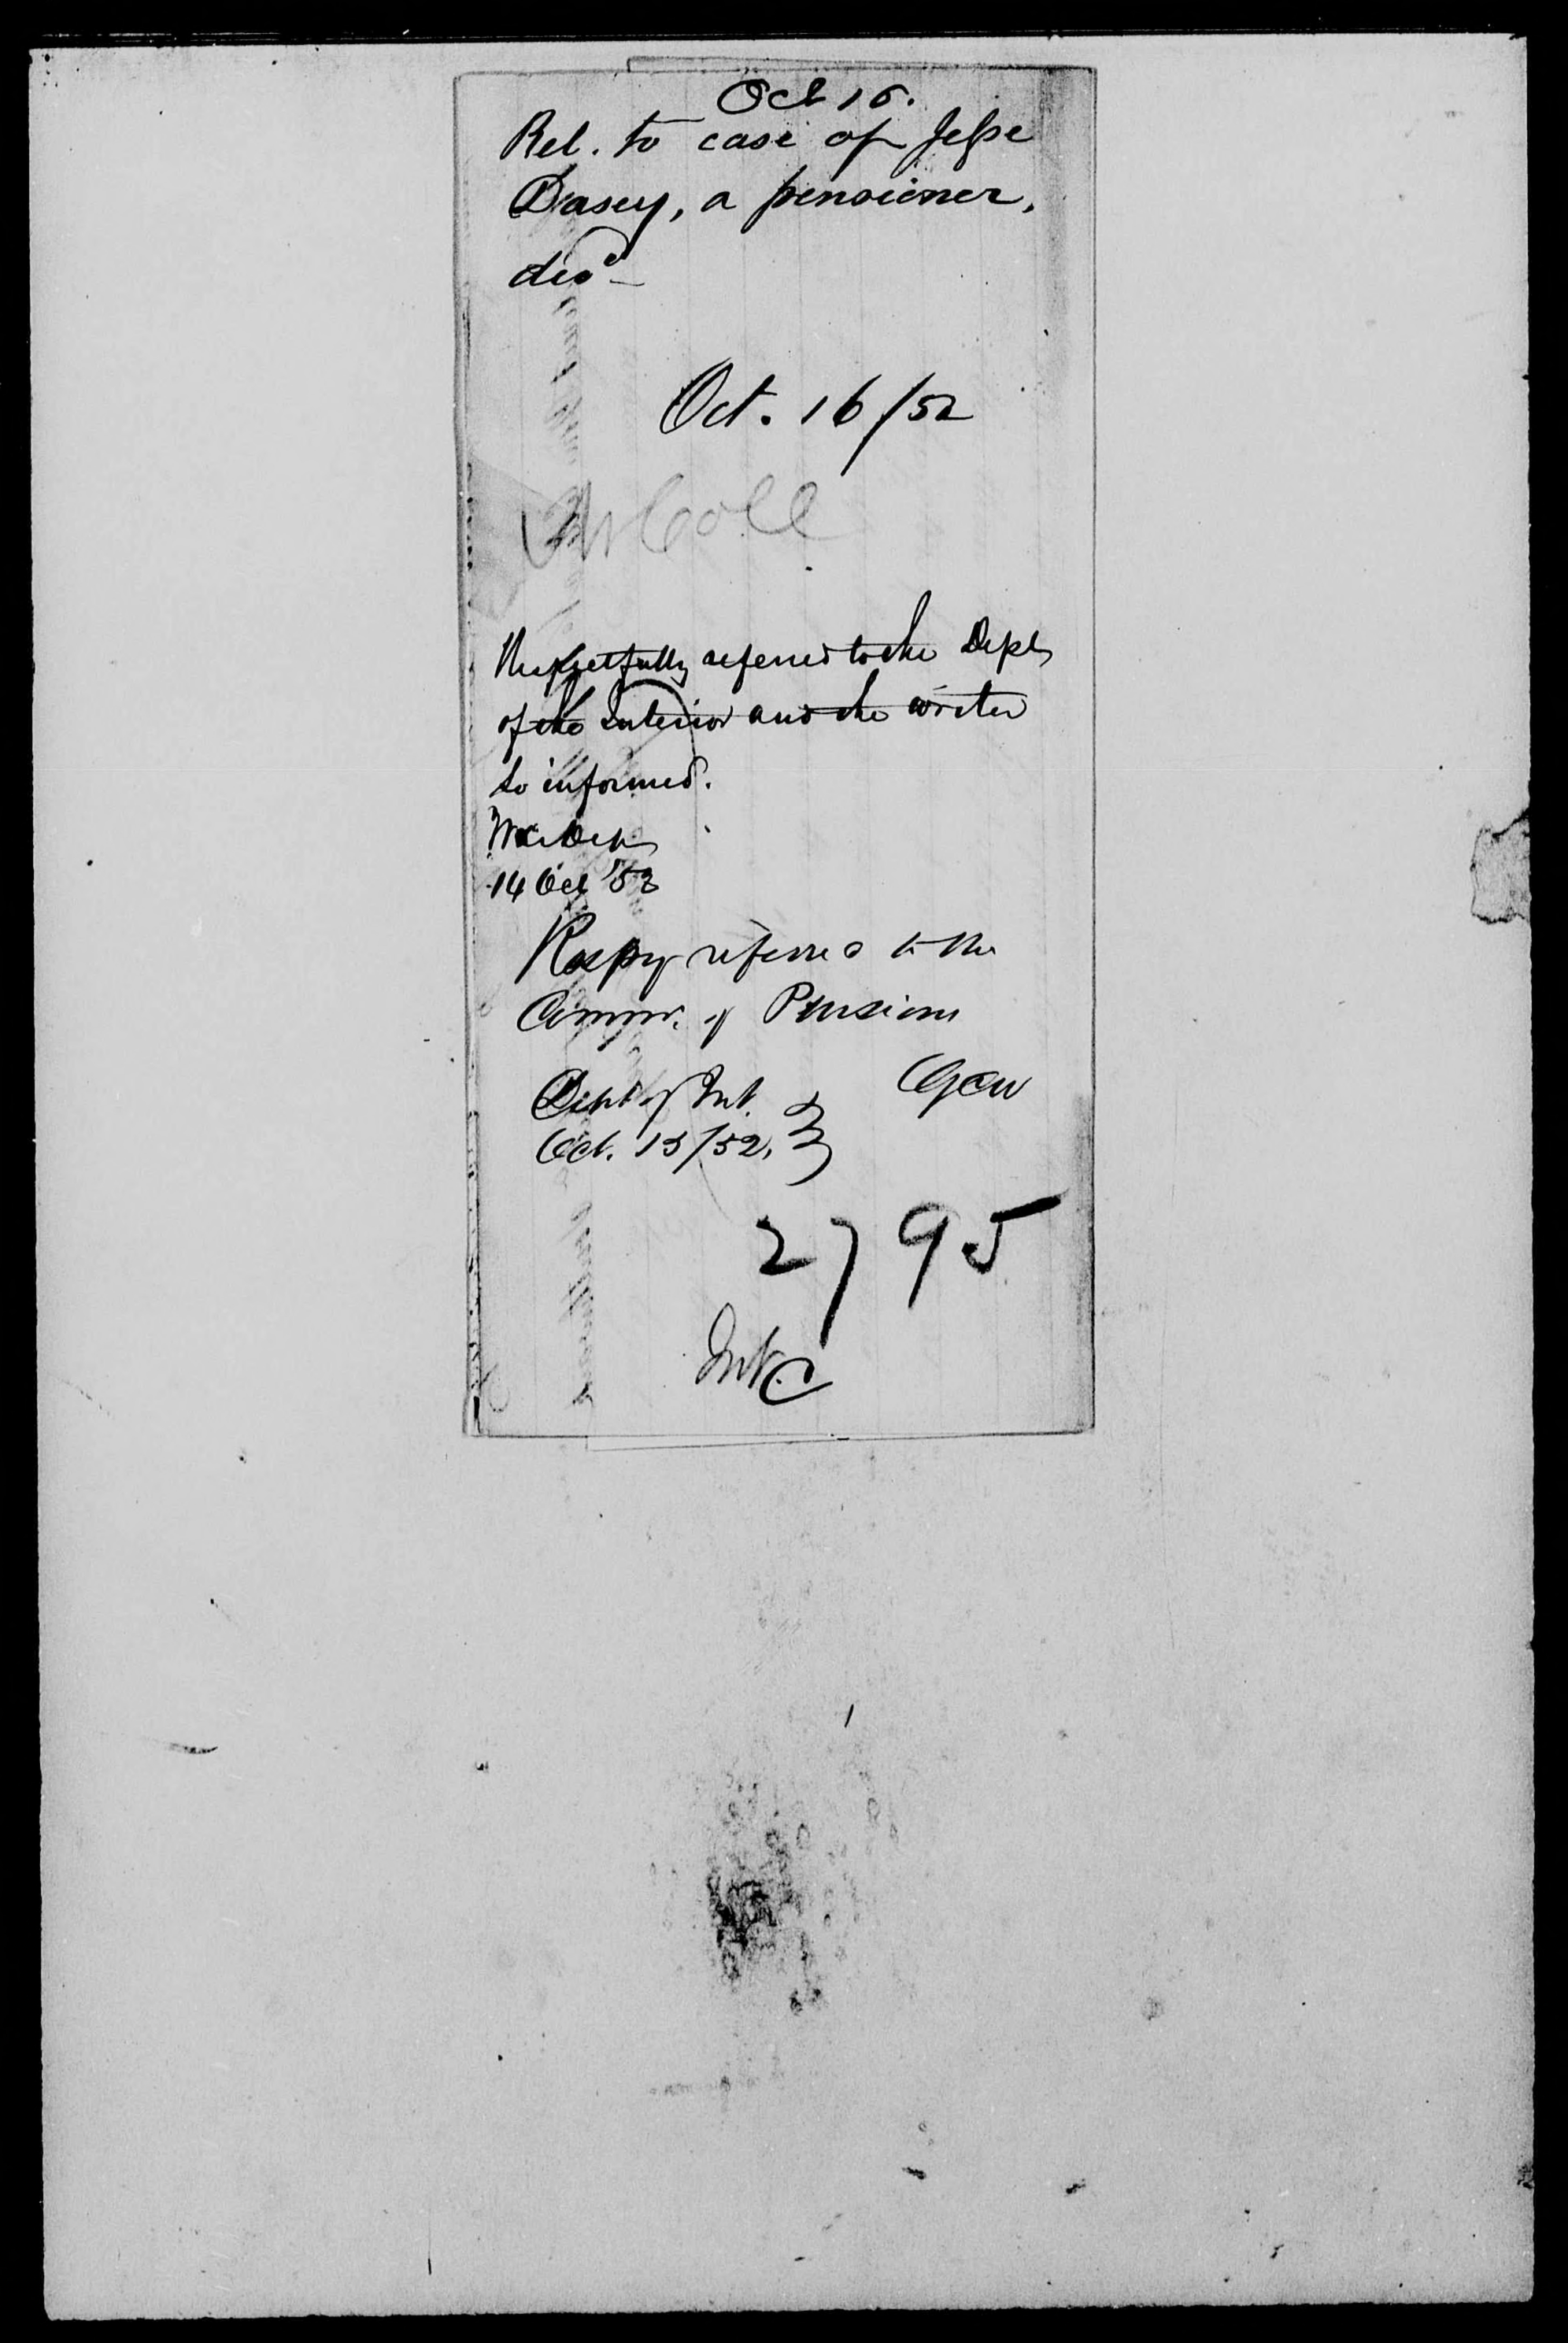Oct 16
Rel. to case of Jesse Dasey, a pensioner, dis


Oct. 16/52



Respectfully referred to the Dept of the Interior and the writer so informed.

Maiden
14 Oct '58

Respy referred to the Comm of Pensions

Dept of Int.
Oct. 15/52                            GCW
                                      2795


JWC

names: Jesse Dasey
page: 8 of 32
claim: rejected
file: R. 2795, Jesse Dazey, Del.